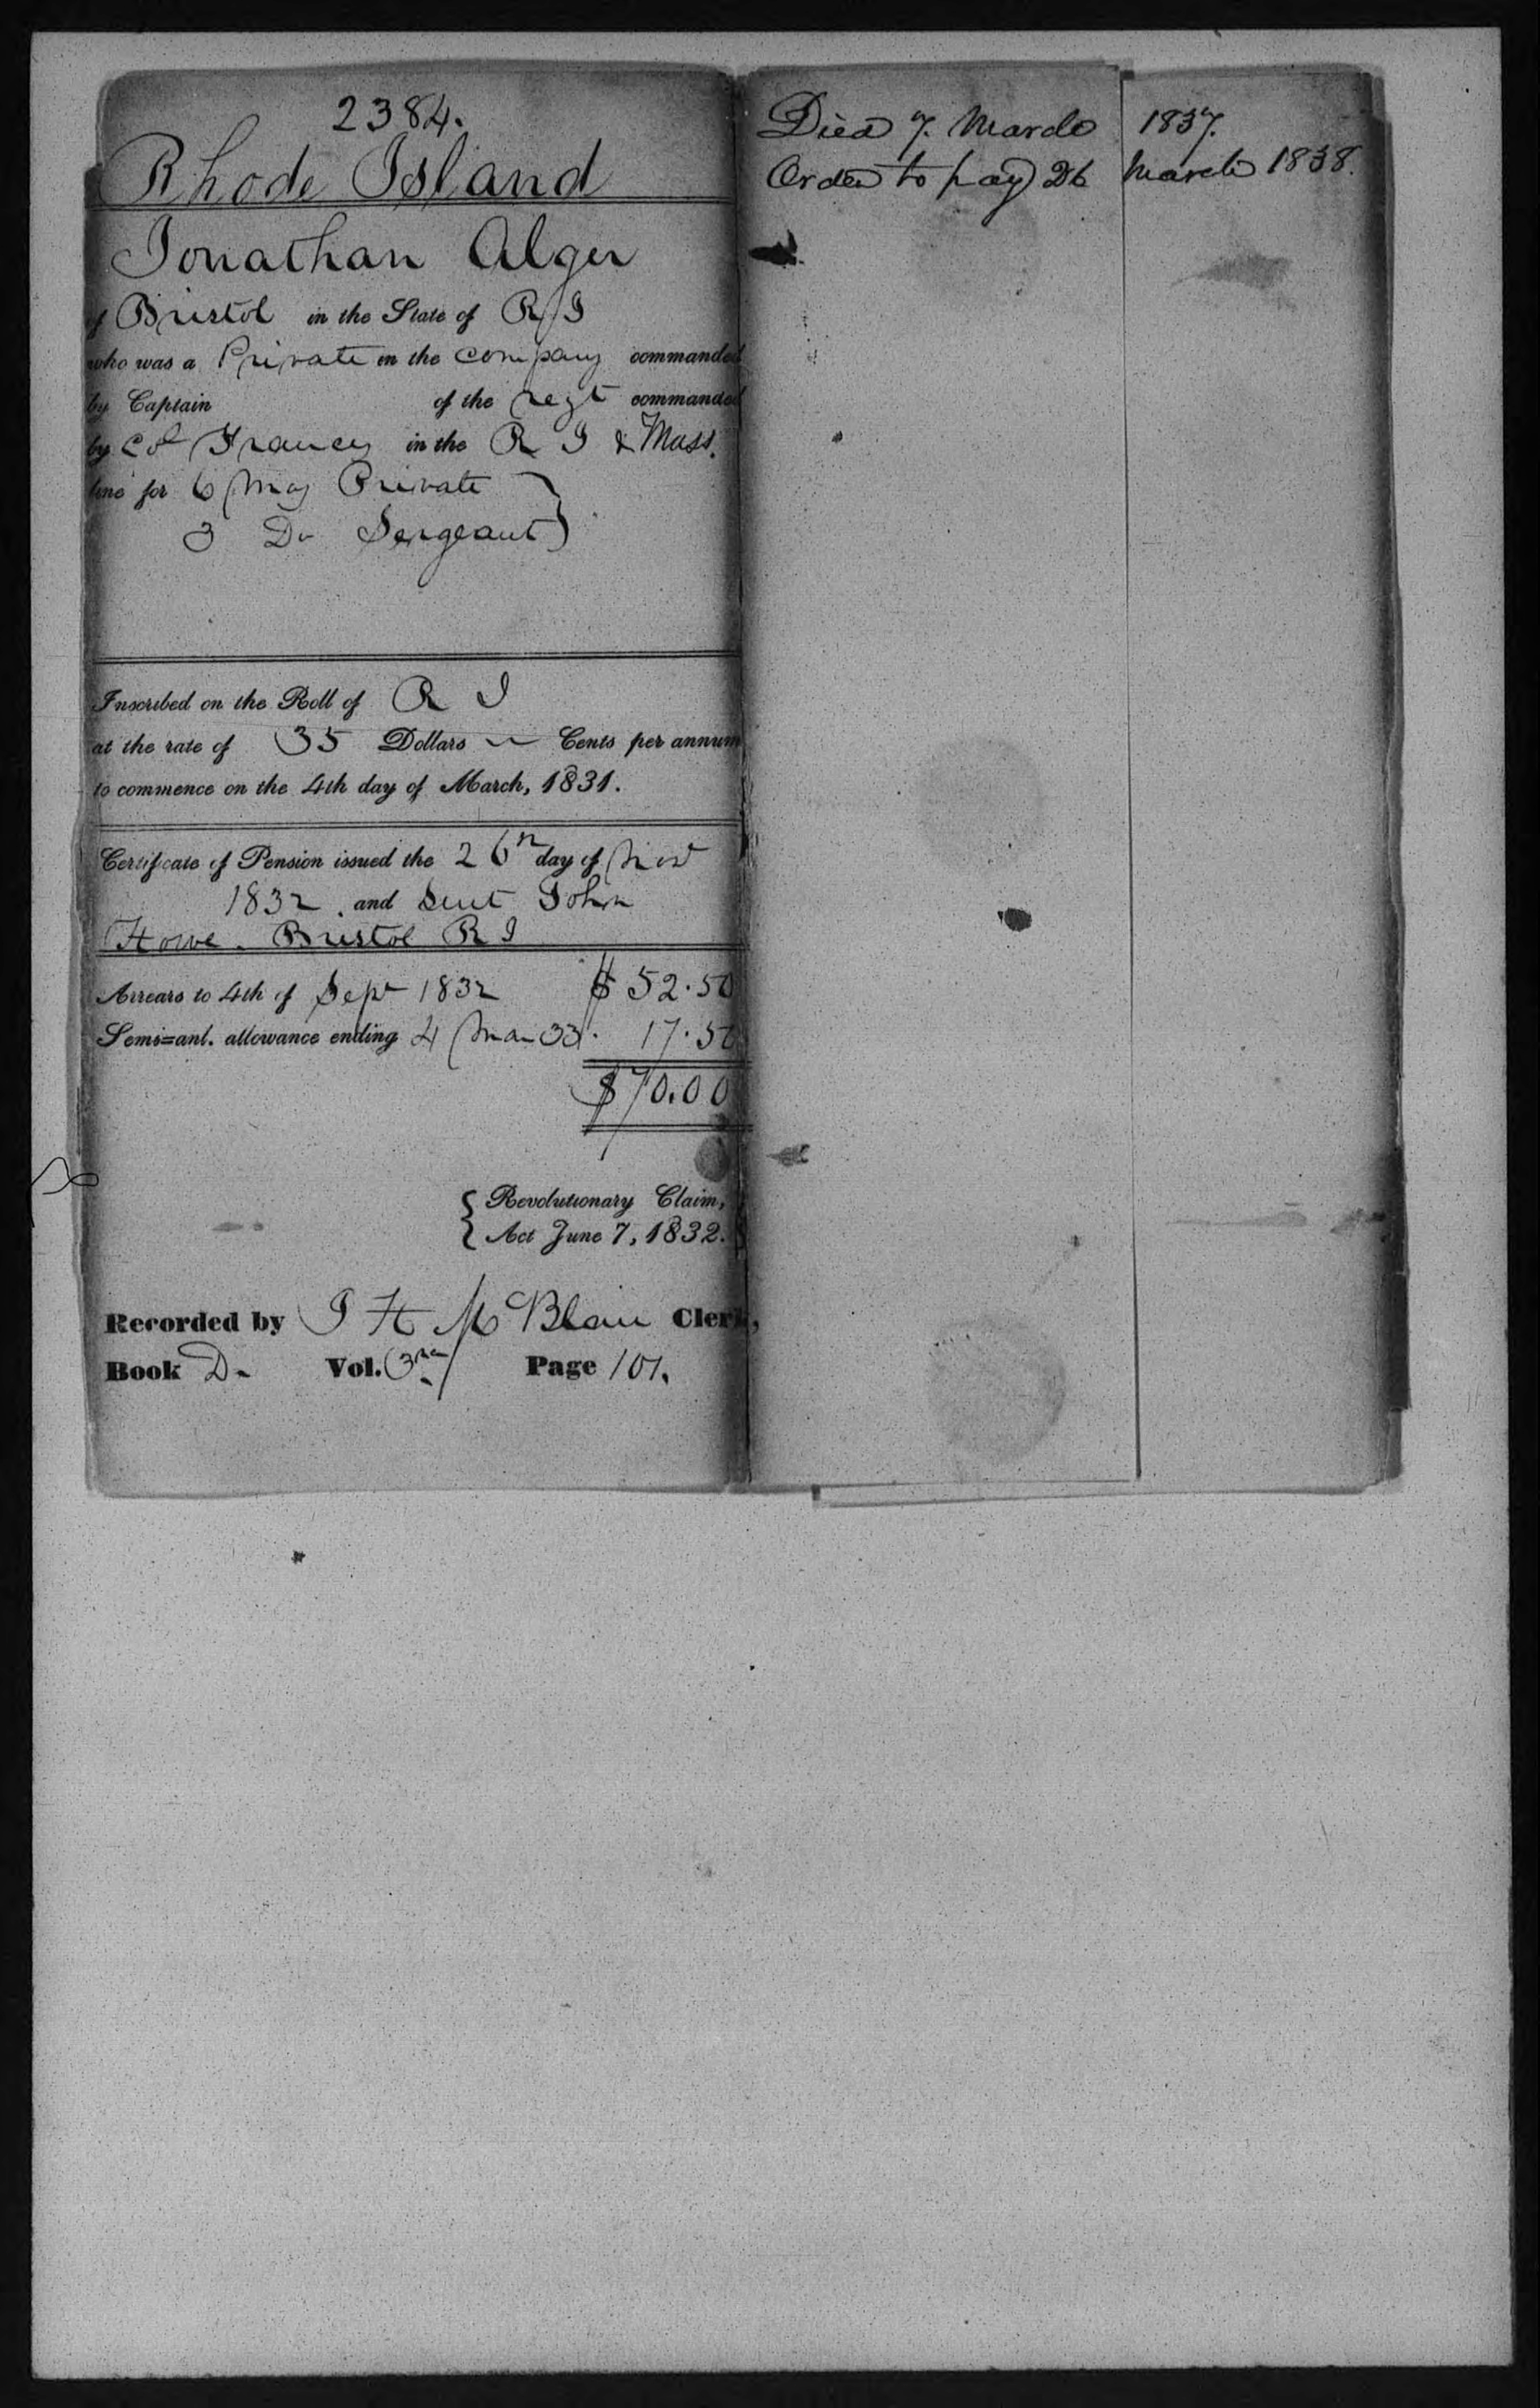2384.
Rhode Island
Jonathan Alger of Bristol in the State of R. I. who was a Private in the company commanded by Captain [blank] of the regt commanded by Col [illegible] in the RI & Mass. line for 6 mos. Private
3 [mos.] Sergeant}
Inscribed on the Roll of RI at the rate of 35 Dollars - Cents per annum to commence on the 4th day of March, 1831.
Certificate of Pension issued the 26th day of Nov 1832 and sent John Howe Bristol RI
Arrears to 4th of Sept 1832 $ 52.50
Semiannual allowance ending 4 Mar 33 17.50
[total] $70.00
{Revolutionary claim, Act June 7, 1832.}
Recorded by J H McBlair Clerk,
Book D. Vol. 3rd Page 101.
[on page to the right] Died 7 March 1837.
Order to pay 26 march 1838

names: John Howe, J H Mc Blair, Frances, Jonathan Alger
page: 2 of 16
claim: survivor's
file: S. 21040, Jonathan Alger, Mass. R. I.